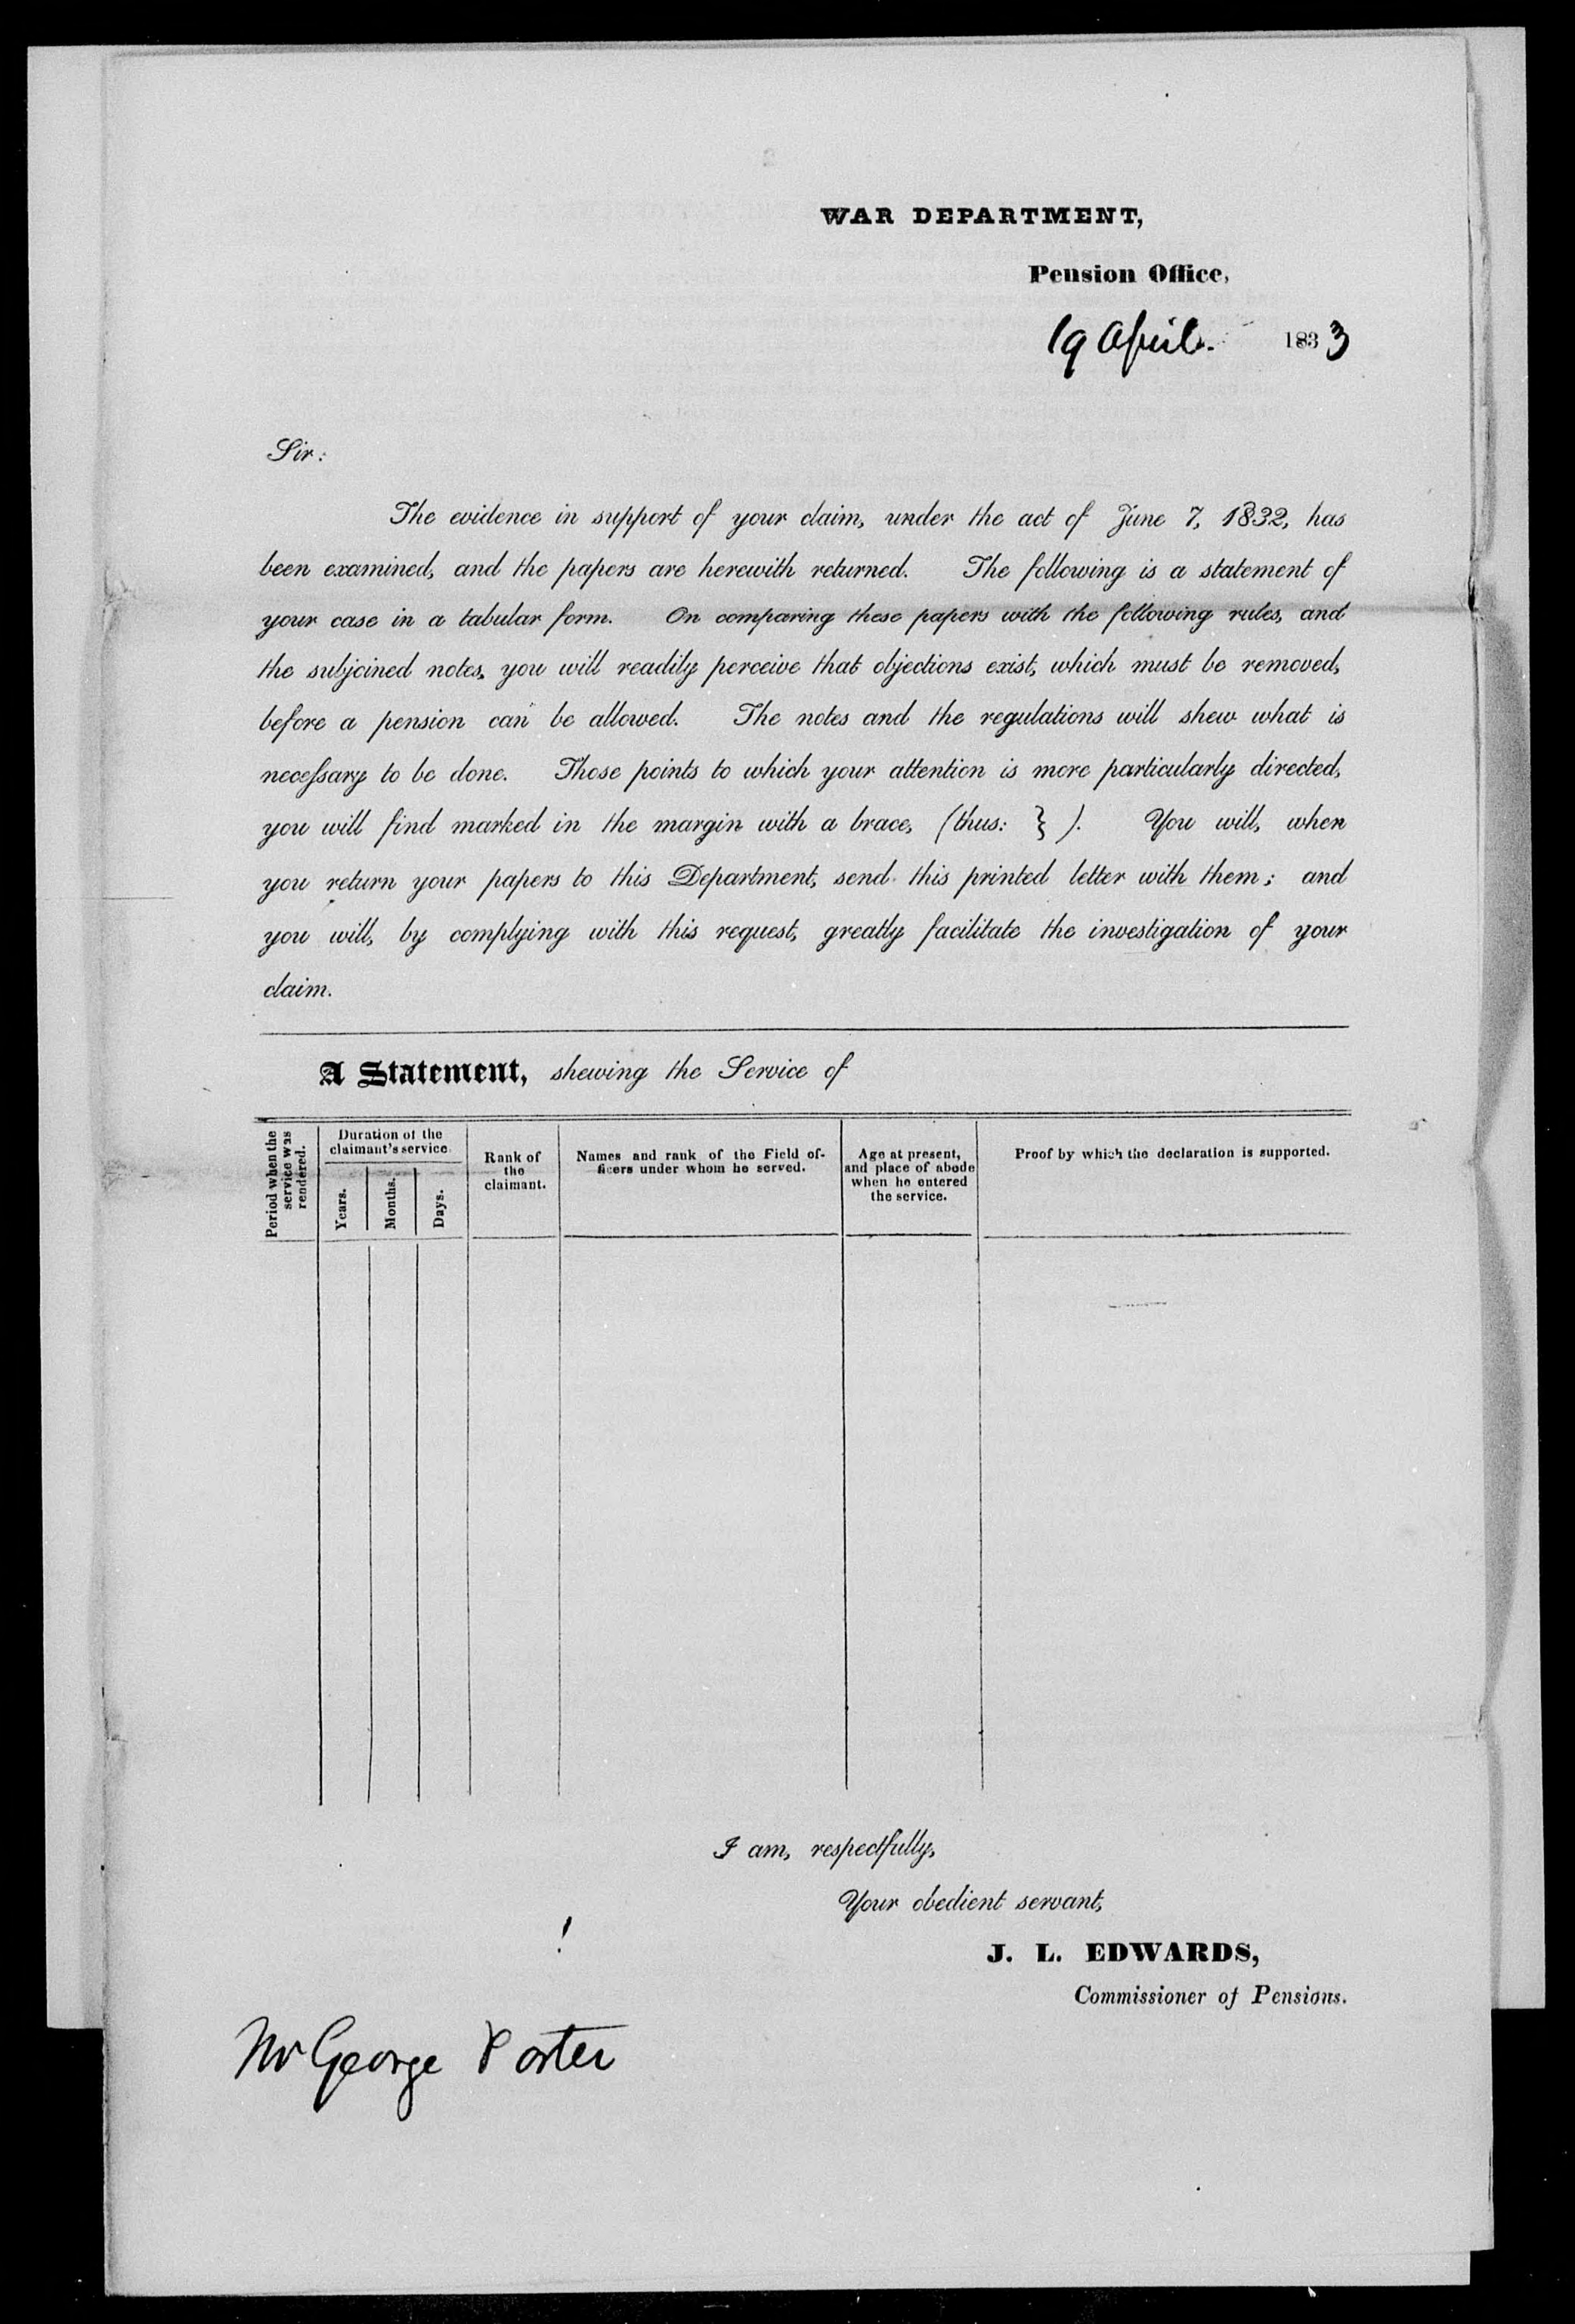REGULATIONS UNDER THE ACT OF JUNE 7, 1832.
The following regulations have been adopted:
This law has been construed to extend, as well to the line, as to every branch of the Staff of the Army,
and to include under the terms "Continental Line," "State troops," "militia" and "volunteers, all
persons enlisted, drafted, or who volunteered and who were bound to military service, but not those who
were occasionally employed with the army upon civil contracts, such as Clerks to Commissaries and to
Store Keepers, &c., Teamsters, Boatmen, &c. Persons who served on board of private armed vessels are
also excluded from the benefits of the law, as well as persons who turned out as patrols, or were engaged
in guarding particular places at night, and were not recognized as being in actual military service.
Four general classes of cases are embraced in this law:
1. The Regular Troops.
2.
The State Troops, Militia, and Volunteers.
3. Persons employed in the Naval Service.
4. Indian Spies.
As rolls of the regular troops in the Revolutionary War exist in this Department, all persons claiming
the benefit of this law as officers, non-commissioned officers, mucicians or privates, will, in the first
instance, make application by transmitting the following declaration, which will be made before a Court of
Record of the County where such applicant resides. And every Court having by law a seal and Clerk is
considered a Court of Record.
DECLARATION,
In order to obtain the benefit of the Act of Congress of the 7th of June, 1832.
State, Territory, or District of
County of
⎬ ss.
On this
day of
personally appeared (a) before
A.B. a resident (b) of
in the county of
and State, Territory or District
of
years, who being first duly sworn, according to law, doth on his oath make the
following declaration, in order to obtain the benefit of the provision made by the act of Congress, passed
June 7th, 1832. That he enlisted in the Army of the United States in the year (d)
with
and
served in the
(e) regiment of the
line, under the following named officers:
Here set forth the names and rank of the Field and Company Officers; the time he left the service; (and if he served
under more than one term of enlistment, he must specify the particular period, and rank and names of his officers;) the
town or county and State in which he resided when he entered the service; the battles, if any, in which he was engaged,
and the country through which he marched. This form is to be varied so as to apply to the cases of officers and persons
who belonged to the militia, volunteers, navy, &c.]
He hereby relinquishes every claim (f) whatever to a pension or an annuity, except the present, and he
declares that his name is not on the Pension Roll of any Agency in any State, or (if any) only on that of
the Agency in the State of
Sworn to and subscribed the day and year aforesaid.
A. B.
And then will follow the certificate of the Court.}
And the said Court do hereby declare their opinion (g) that the above named applicant was a revolutionary
soldier, and served as he states.
of the Court of
do hereby certify (h) that the foregoing contains the original proceedings of the said Court in the matter of
the application of
for a pension.
In testimony whereof, I have hereunto set my hand and seal of office (i) this
day of
& c.
If, on examination of the proper record, the names of applicants, making such declaration, cannot be
found, they will produce such proof as the rule given in note (j) points out.
Every applicant who claims a pension by virtue of service in the State Troops, Volunteers or Militia,
except those who belonged to the New Hampshire Militia and State Troops of Virginia, will make and
subscribe a declaration similar to the foregoing, with the following additions, viz:
(k) We, A. B., a Clergyman, residing in the
and C.D. residing in (the same)
hereby certify, that we are well acquainted with
who has
subscribed and sworn to the above declaration; that we believe him to be
1
years of age; that he is reputed and believed, in the neighborhood where he resides, to have been a soldier
of the Revolution, and that we concur in that opinion.
Sworn and subscribed the days and year aforesaid.
And then will follow the certificate of the Court.}
And the said Court do hereby declare their opinion, after the investigation of the matter, and after
putting the interrogatories prescribed by the War Department, that the above named applicant was a Revolutionary
Soldier, and served as he states. And the Court further certifies, that it appears to them that A.B.
who has signed the preceding certificate is a clergyman, resident in the
and that C.D., who has also signed the same is a resident in the
and is a credible person, and that their statement is entitled to credit.
1,
Clerk of the Court of
do hereby certify that the foregoing
contains the original proceedings of the said Court, in the matter of the application of
for a pension.
In testimony whereof, I have hereunto set my hand and seal
of office, this
day of
& c.
Every applicant will produce the best proof in his power. This is the original discharge or commission
; but if neither of these can be obtained, the party will so state under oath, and will then procure, if
possible, the testimony of at least one credible witness, stating in detail his personal knowledge of the services
of the applicant, and such circumstances connected therewith, as may have a tendency to throw light
upon the transaction.
If such surviving witness cannot be found, the applicant will so state in his declaration (l) and he will
also, whether he produce such evidence or not, proceed to relate all the material facts, which can be useful
in the investigation of his claim, and in the comparison of his narrative with the events of the period of his
alleged service, as they are known at the Department. A very full account of the services of each person
those numbers an added by the Declarant & refer to
respondent numbers in his original declaration
wering the requisitions of the clauses opposite to
& for the convenience of general referance
No 3
No
in 5
Nob
of
No
No 8
3
will be indispensable to a favorable action upon his case The facts stated will afford one of the principal
means of corroborating the declaration of the applicant, if true, or of detecting the imposition, if one be attempted
; and unless, therefore, these are amply and clearly set forth, no favorable decision can be exexpected
. All applicants will appear before some Court of Record in the County in which they reside, and
there subscribe and be sworn to, one of the declarations above provided, according to the nature of his
CASE.
The Court will propound the following (m) interrogatories to all applicants for a pension, on account of
service in the Militia, State troops, or Volunteers, except the Militia of New Hampshire and the State
troops of Virginia.
1. Where and in what year were you born?
2. Have you any record of your age, and if so, where is it?
3. Where were you living when called into service; where have you lived since the Revolutionary war
, and where do you now live?
4. How were you called into service; were you drafted, did you volunteer, or were you a substitute?
And if a substitute, for whom?
5. State the names of some of the Regular Officers, who were with the troops, where you served; such
Continental and Militia Regiments as you can recollect, and the general circumstances of your services.
7. 17
and what has become of it?
Did you ever receive a commission, and if so, by whom was it signed, and what
To an Office has become of it?
7. State the names of persons to whom you are known in your present neighborhood, and who can testify
as to your character for veracity, and their belief of your services as a soldier of the Revolution.
The Court will see that the answers to these questions are embodied in the declaration, and they are
requested to annex their opinions of the truth of the statement of the applicant.
The applicant will further produce in Court, if the same can be done, in the opinion of the Court,
without too much expense and inconvenience to him, two respectable persons--one of whom should be
the nearest clergyman, if one lives in the immediate vicinity of such applicant, who can testify, from
their acquaintance with him, that they believe he is of the age he represents, and that he is reputed
and believed in the neighborhood to have been a Revolutionary soldier, and that they concur in that opinion.
If one of these persons is a Clergyman, the Court will so certify, and they will also certify to the character
and standing of other persons giving such certificates.
The traditionary evidence of service is deemed very important, in the absence of any direct
proof, except the declaration of the party. And the Courts are requested to be very particular in the
enquiry whether the belief is general, and whether any doubts have ever existed upon the subject.
Applicants unable to appear in Court, by reason of bodily infirmity, may make the declaration before
required, and submit to the examination, before a Judge or Justice of a Court of Record of the proper
county, and the Judge or Justice will execute the duties, which the Court is herein requested to perform,
and will also certify that the applicant cannot, from bodily infirmity, attend the Court.
Whenever any official act is required to be done by a Judge or Justice of a Court of Record,
or by a Justice of the Peace, the certificate of the Secretary of State or Territory, or of the proper
Clerk of the Court or County, under his seal of office, will be annexed, stating that such person is a
Judge or Justice of a Court of Record, or a Justice of the Peace, and that the signature annexed is
his genuine signature.
No payments can be made on account of the services of any person, who may have died before
the taking effect of the act of June 7, 1832; and in case of death subsequent thereto, and before the
declaration herein required is made, the parties interested will transmit such evidence as they can procure
, taken and authenticated before a Court of Record, showing the services of the deceased, the period
of his death, the opinion of the neighborhood respecting such services, the title of the claimant, and the
opinion of the Court upon the whole matter.
No
The declarant must appear in open Court, unless prevented from doing so by reason of bodily infirmity; in which case the declarant will fullow
the rule laid down for his guidance.
The declarant must make his declaration in the county where he resides. If he should fail to do so, he must assign a sufficient reason for
conforming to the rule.
The age of the claimant must invariably be mentioned.
The declarant must mention the period or periods of the war when he served.
Every continental officer or soldier must give the name of the Untonel under whom he served; otherwise a satisfactory examination of the
claim cannot be had. Every clamant must state, with precision, the length of his service, and the different grades in which he served, in language to
die as to enable the Department to determine to what amount of pension he is entitled. In a case where the applicant cannot, by reason of the
loss of memory, state precisely how long he served, he should amend his declaration by making an affidavit in the following words:
"Personally appeared before me, the undersigned, a Justice of the Peace, &c. A. B. who, being duly sworn, deposeth and saith, that, by reason
of old age, and the consequent loss of memory, he cannot swear positively as to the precise length of the service; but, according to the best of his
recollection he served not less than the periods mentioned below, and in the following grades:--For year months, and
days, I served as a-
For months and --- days, I served as a
and for such service I claim a pension."
It is important, in all cases, to determine with precision the person to which each applicant served, and the particular rank he held, as the law
directs the pension to be paid according to the grade of the pensioner and the length of his service. The use of the phrase about four months
is too indefinite, and all such qualifying expressions are objectionable. Some persons who apply for pensions merely state that they served two years
in the militia, &c. without specifying the tours, the names of the officers, and other particulars respecting their service. This form of a declaration is
highly objectionable. It must, in every case, be clearly shown under what officers the applicant served; the duration of each term of engagement;
the particular place or places where the service was performed; that the applicant served with an embodied corps called into service by competent authority
; that he was either in the field or in garrison; and for the time during which the service was performed, he was not employed in any civil
pursuit.
The law makes the relinquishment indispensable.
tricity in in or
lic seal of office, the certificate of a Member of Congress, proving the official character and signature of the certifying officer, should accompany the
papers.
Mode of authenticating papers.
In every instance where the certificate of the certifying officer who authenticates the papers is not written on the same sheet of paper which contains
the affidavit, or other papers authenticated, the certificate must be attached thereto by a piece of tape or narrow ribbon, the ends of which may
pass under the seal of office of the certifying officer, so as to prevent any paper from being improperly attached to the certificate.
Proof of Service.
In a case where the name of the applicant is not found on the records of the Department, he must prove his service by two credible witnesses
who are required to set forth in their affidavits the time of the claimant's entering the service, and the time and manner of his leaving the same
is the regiment, company, and line to which he belonged. The magistrate who may administer the oaths must certify to the credibility of the witnesses
, and the official character and signature of the magistrate must be certified by the proper officer, under his seal of office
are all equally applicable to the cases of Militia men, Volunteers and State Troops. The proof required by rule is
note il applies to continented troops only.
This traditionary evidence is indispensable in militia cases.
If a witness cannot be found, the declarant must state the fact.
The answers to the interrogatories must all be written, and sent to the War Department, with the condition.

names: J L Edwards; George Porter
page: 48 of 49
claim: widow's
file: W. 2164, for George Porter, Massachusetts